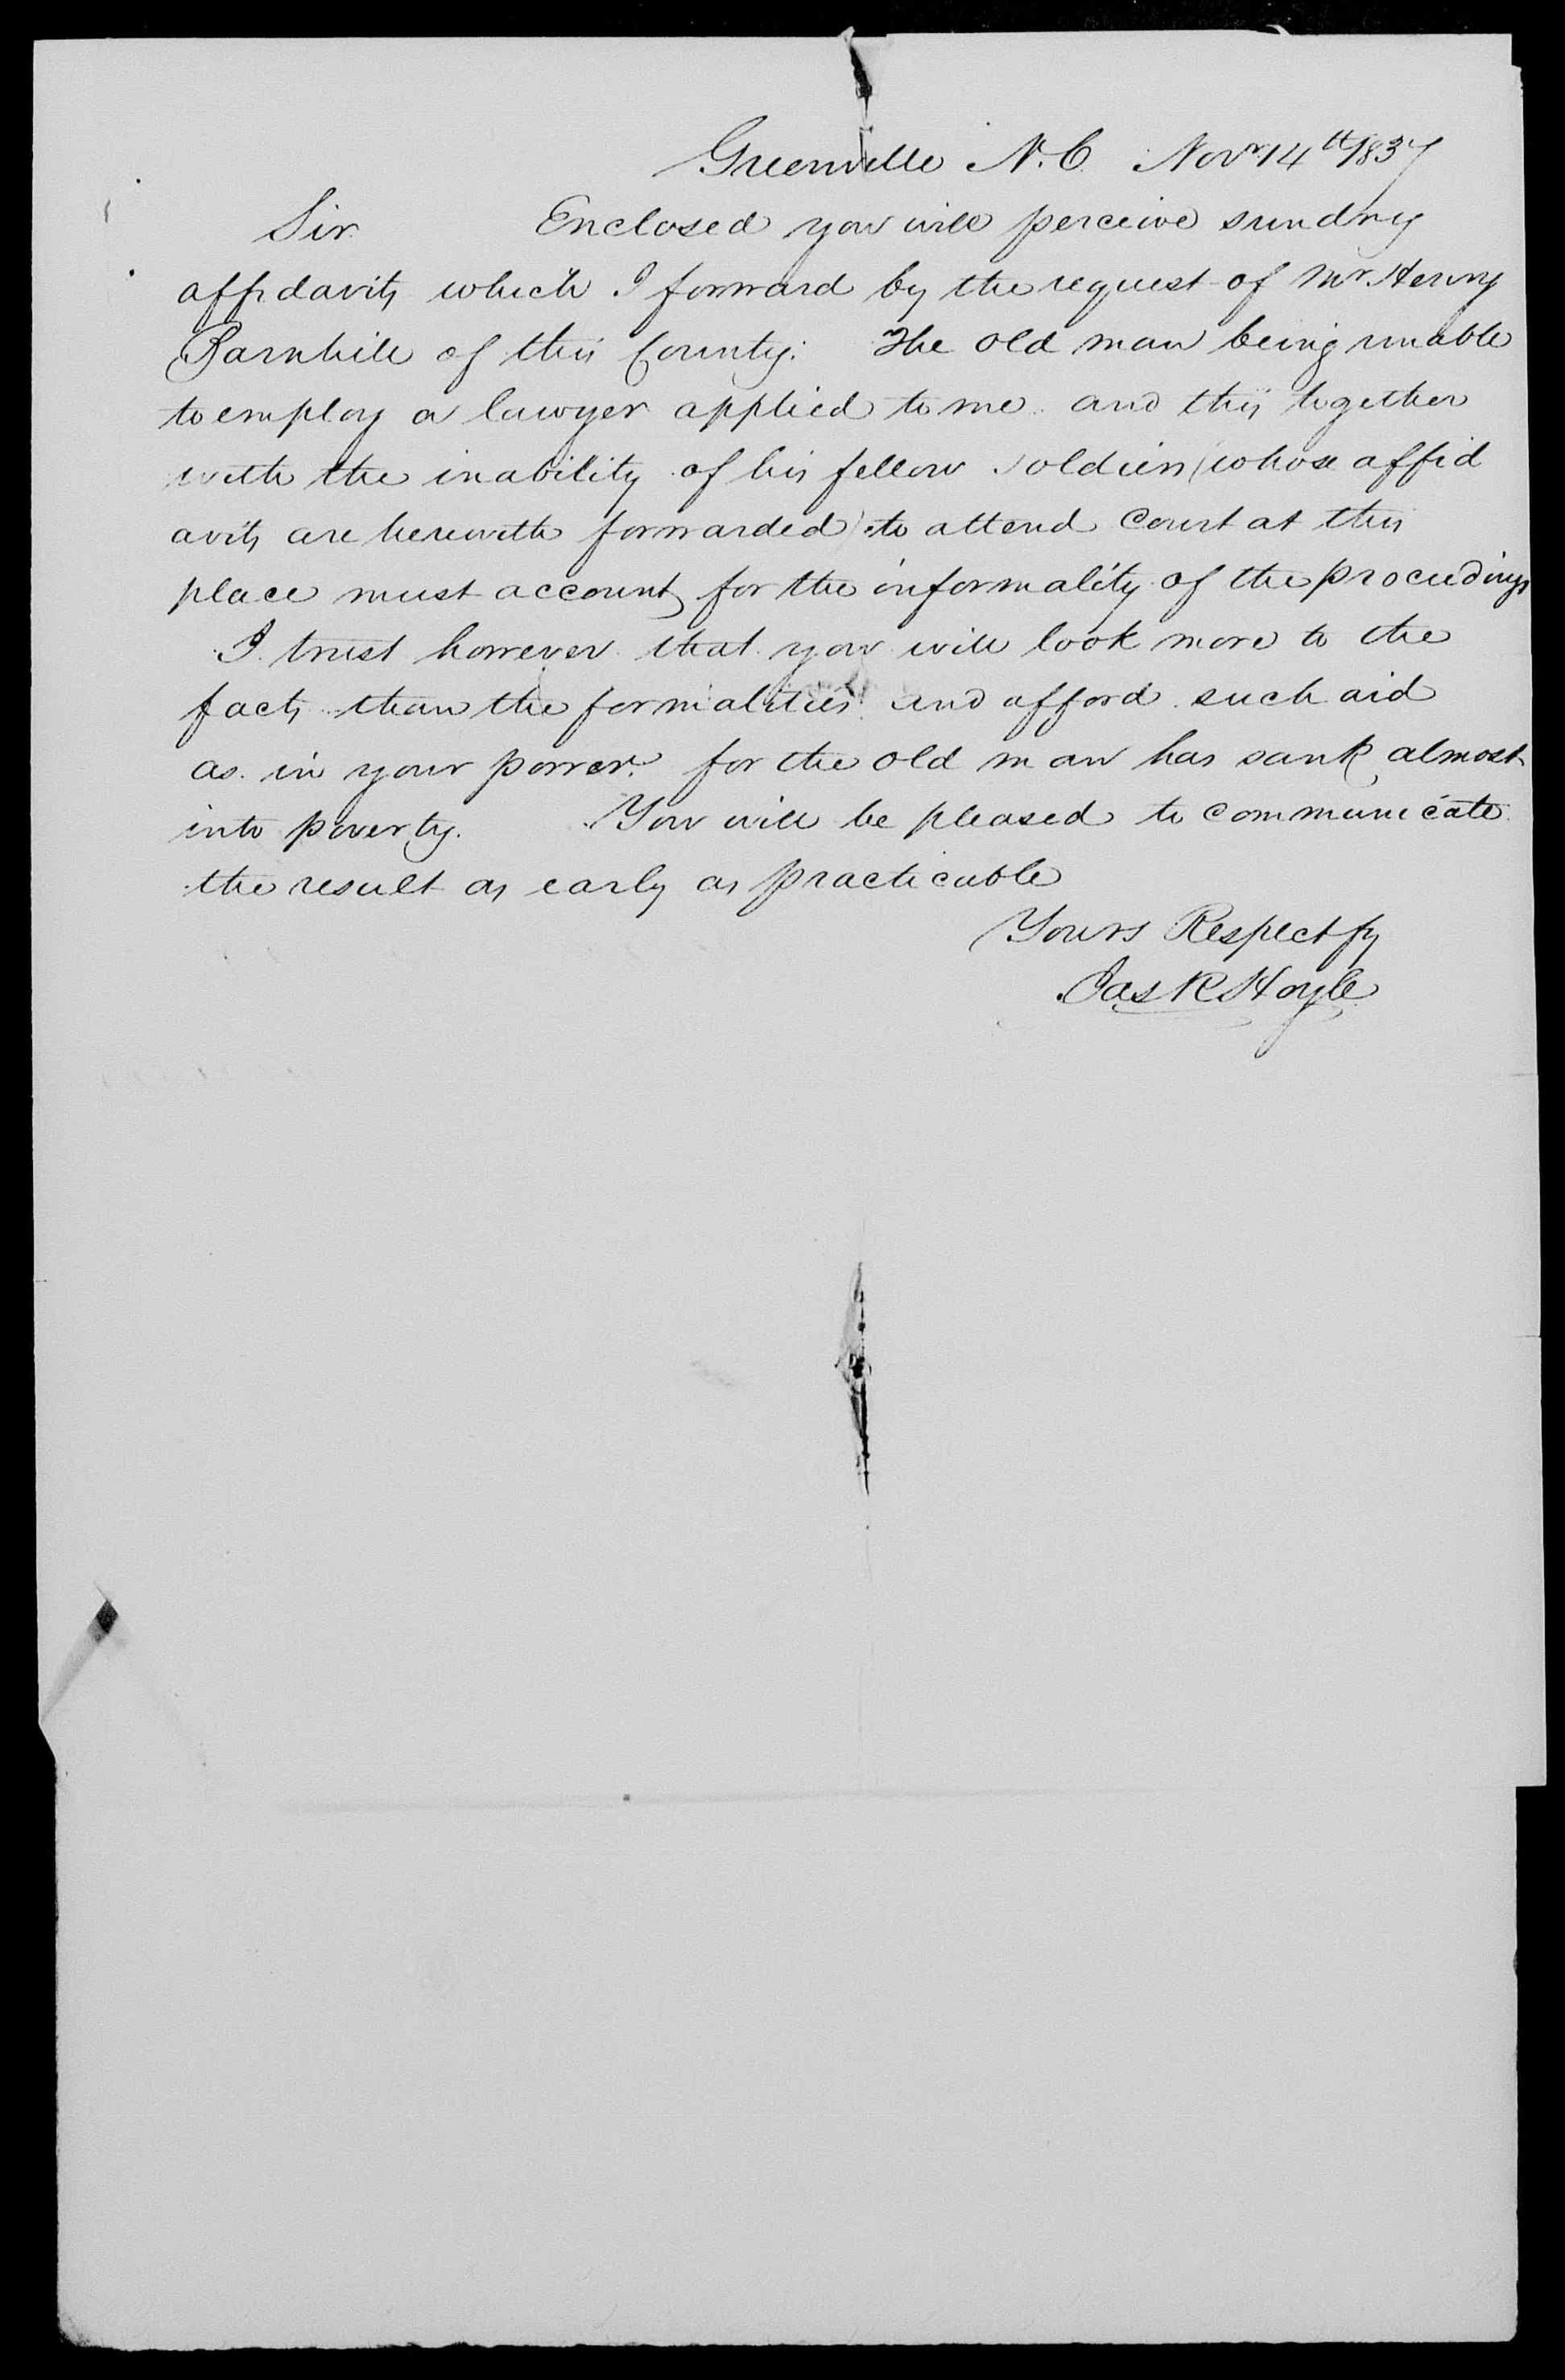Greenville N.C.    Nov 14 1837

Sir.
Enclosed you will perceive sundry affidavits which I forward by the request of Mr. Henry Barnhill of this County: The old man being unable to employ a lawyer applied to me and this together with the inability of his fellow soldier (whose affidavits are herewith forwarded) to attend court at this place must account for the informality of the proceedings

I trust however that you will  look more to the facts than the formalities and afford such aid as in your power. for the old man has sank almost into poverty. You will be pleased to communicate the result as early as practicable

Yours Respectfy
S/Jas R Hoyle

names: Jas R Hoyle, Henry Barnhill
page: 25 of 42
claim: survivor's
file: S. 6579, Henry Barnhill, N. C.